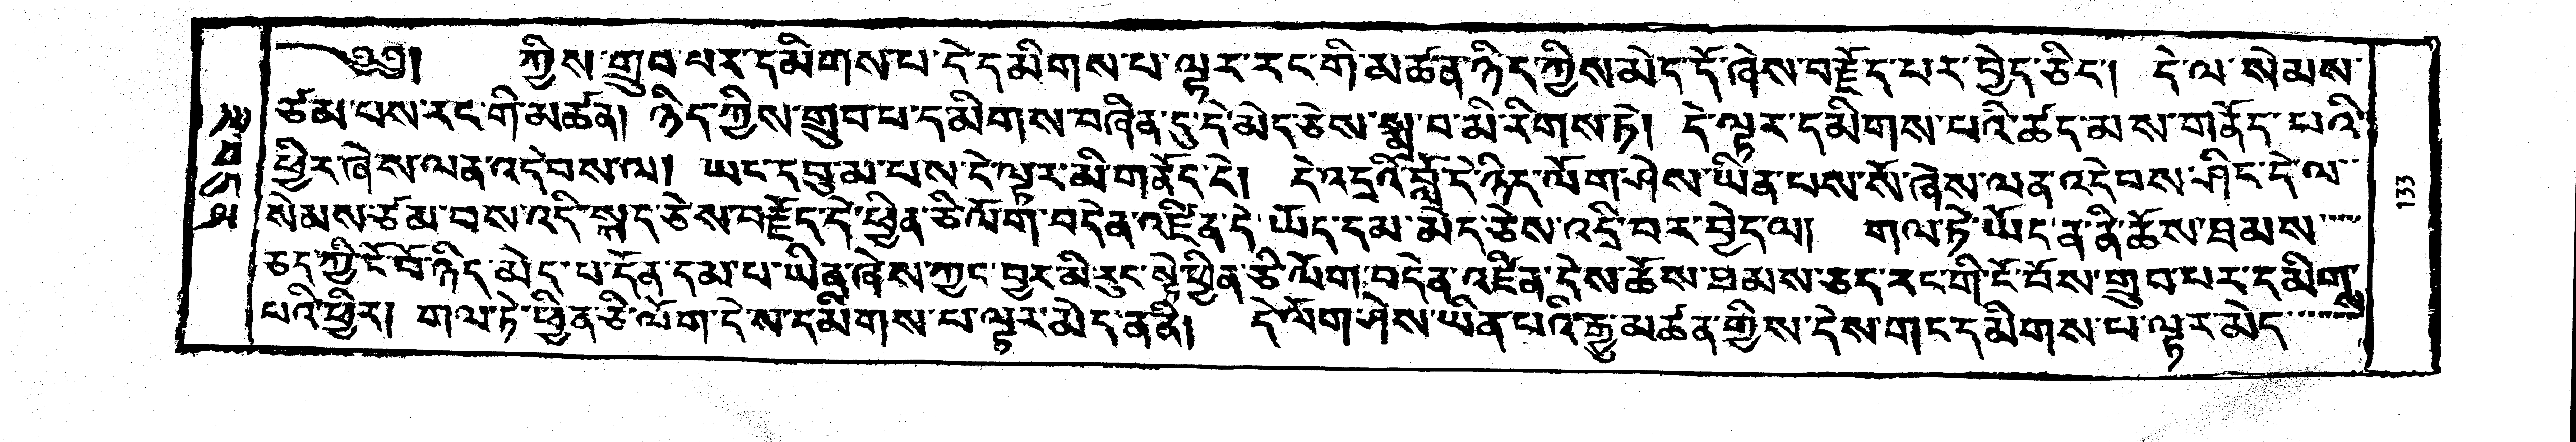༄༅། །ཀྱིས་གྲུབ་པར་དམིགས་པ་དེ་དམིགས་པ་ལྟར་རང་གི་མཚན་ཉིད་ཀྱིས་མེད་དོ་ཞེས་བརྗོད་པར་བྱེད་ཅིང་། དེ་ལ་སེམས་
ཙམ་པས་རང་གི་མཚན། ཉིད་ཀྱིས་གྲུབ་པ་དམིགས་བཞིན་དུ་དེ་མེད་ཅེས་སྨྲ་བ་མི་རིགས་ཏེ། དེ་ལྟར་དམིགས་པའི་ཚད་མས་གནོད་པའི་
ཕྱིར་ཞེས་ལན་འདེབས་ལ། ཡང་དབུ་མ་པས་དེ་ལྟར་མི་གནོད་དེ། དེ་འདྲའི་བློ་དེ་ཉིད་ལོག་ཤེས་ཡིན་པས་སོ་ཞེས་ལན་འདེབས་ཤིང་དེ་ལ་
སེམས་ཙམ་པས་འདི་སྐད་ཅེས་བརྗོད་དེ་ཕྱིན་ཅི་ལོག་བདེན་འཛིན་དེ་ཡོད་དམ་མེད་ཅེས་འདྲི་བར་བྱེད་ལ། གལ་ཏེ་ཡོད་ན་ནི་ཆོས་ཐམས་
ཅད་ཀྱི་ངོ་བོ་ཉིད་མེད་པ་དོན་དམ་པ་ཡིན་ཞེས་ཀྱང་བྱར་མི་རུང་སྟེ་ཕྱིན་ཅི་ལོག་བདེན་འཛིན་དེས་ཆོས་ཐམས་ཅད་རང་གི་ངོ་བོས་གྲུབ་པར་དམིགས་
པའི་ཕྱིར། གལ་ཏེ་ཕྱིན་ཅི་ལོག་དེ་ས་དམིགས་པ་ལྟར་མེད་ན་ནི། དེ་ལོག་ཤེས་ཡིན་པའི་རྒྱུ་མཚན་གྱིས་དེས་གང་དམིགས་པ་ལྟར་མེད་